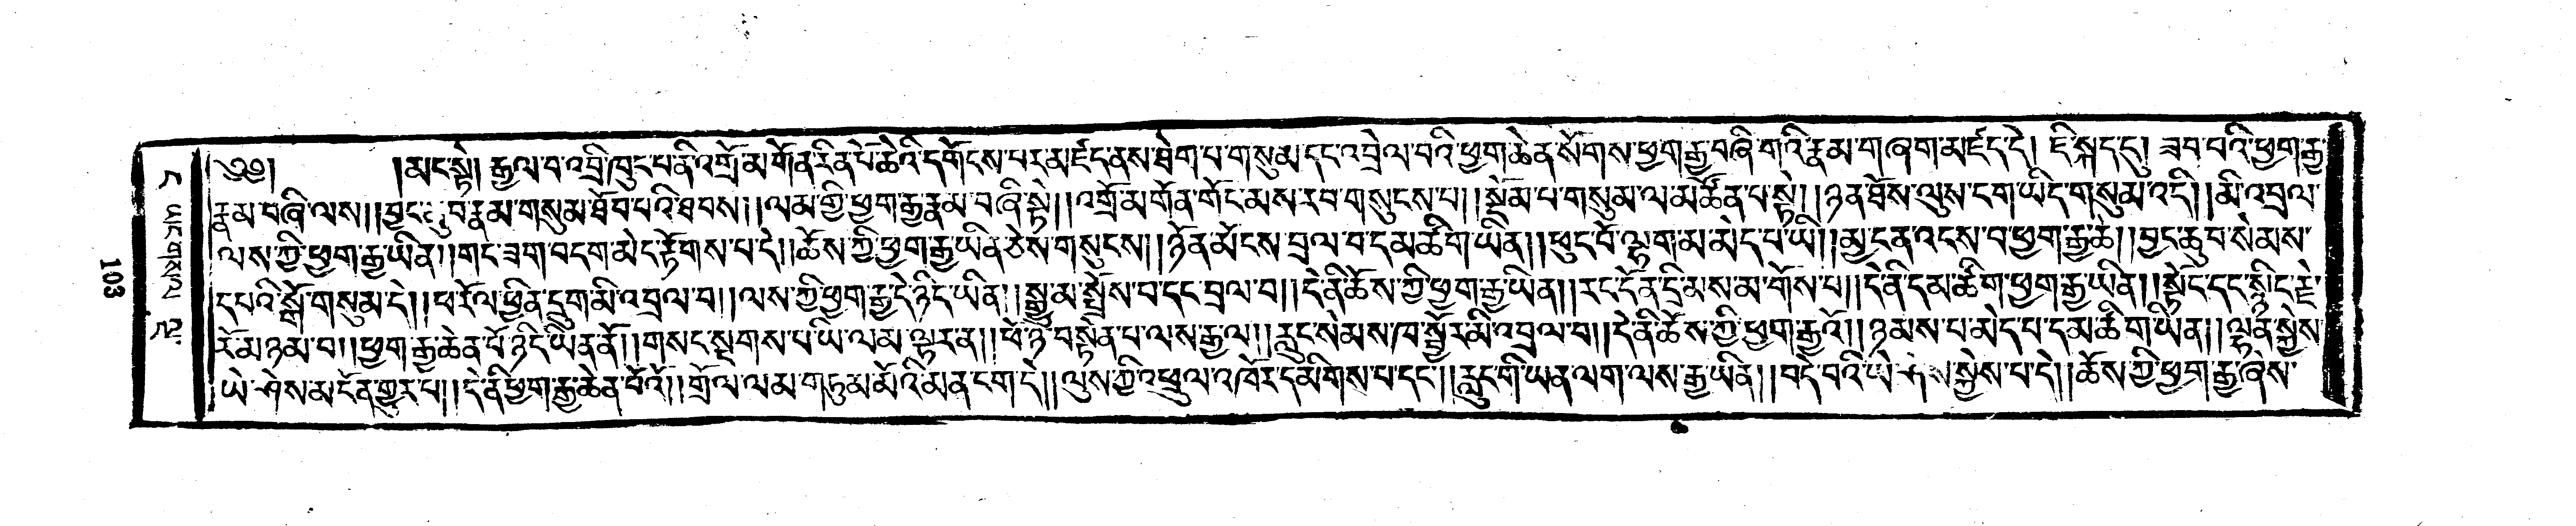༄༅། །མང་སྟེ། རྒྱལ་བ་འབྲི་ཁུང་པ་ནི་འགྲོ་མགོན་རིན་པོ་ཆེའི་དགོངས་པར་མཛད་ནས་ཐེག་པ་གསུམ་དང་འབྲེལ་བའི་ཕྱག་ཆེན་སོགས་ཕྱག་རྒྱ་བཞི་གའི་རྣམ་གཞག་མཛད་དེ། ཇི་སྐད་དུ། ཟབ་པའི་ཕྱག་རྒྱ་
རྣམ་བཞི་ལས། །བྱང་ཆུབ་རྣམ་གསུམ་ཐོབ་པའི་ཐབས། །ལམ་གྱི་ཕྱག་རྒྱ་རྣམ་བཞི་སྟེ། །འགྲོ་མགོན་གོང་མས་རབ་གསུངས་པ། །སྡོམ་པ་གསུམ་ལ་མཚོན་པ་སྟེ། །ཉན་ཐོས་ལུས་ངག་ཡིད་གསུམ་འདི། །མི་འབྲལ་
ལས་ཀྱི་ཕྱག་རྒྱ་ཡིན། །གང་ཟག་བདག་མེད་རྟོགས་པ་དེ། །ཆོས་ཀྱི་ཕྱག་རྒྱ་ཡིན་ཅེས་གསུངས། །ཉོན་མོངས་བྲལ་བ་དམ་ཚིག་ཡིན། །ཕུང་པོ་ལྷག་མ་མེད་པ་ཡི། །མྱ་ངན་འདས་པ་ཕྱག་རྒྱ་ཆེ། །བྱང་ཆུབ་སེམས་
དཔའི་སྒོ་གསུམ་དེ། །ཕ་རོལ་ཕྱིན་དྲུག་མི་འབྲལ་བ། །ལས་ཀྱི་ཕྱག་རྒྱ་དེ་ཉིད་ཡིན། །སྒྱུ་མ་སྤྲོས་པ་དང་བྲལ་བ། །དེ་ནི་ཆོས་ཀྱི་ཕྱག་རྒྱ་ཡིན། །རང་དོན་དྲི་མས་མ་གོས་པ། །དེ་ནི་དམ་ཚིག་ཕྱག་རྒྱ་ཡིན། །སྟོང་དང་སྙིང་རྗེ་
རོ་མཉམ་པ། །ཕྱག་རྒྱ་ཆེན་པོ་ཉིད་ཡིན་ནོ། །གསང་སྔགས་པ་ཡི་ལམ་ལྟར་ན། །ཕོ་ཉ་བསྟན་པ་ལས་རྒྱ་ལ། །རླུང་སེམས་ཁ་སྦྱོར་མི་འབྲལ་བ། །དེ་ནི་ཆོས་ཀྱི་ཕྱག་རྒྱའོ། །ཉམས་པ་མེད་པ་དམ་ཚིག་ཡིན། །ལྷན་སྐྱེས་
ཡེ་ཤེས་མངོན་གྱུར་པ། །དེ་ནི་ཕྱག་རྒྱ་ཆེན་པོའོ། །གྲོལ་ལམ་གཏུམ་མོའི་མན་ངག་དེ། །ལུས་ཀྱི་འཕྲུལ་འཁོར་དམིགས་པ་དང་། །རླུང་གི་ཡན་ལག་ལས་རྒྱ་ཡིན། །བདེ་བའི་ཡེ་ཤེས་སྐྱེས་པ་དེ། །ཆོས་ཀྱི་ཕྱག་རྒྱ་ཞེས་